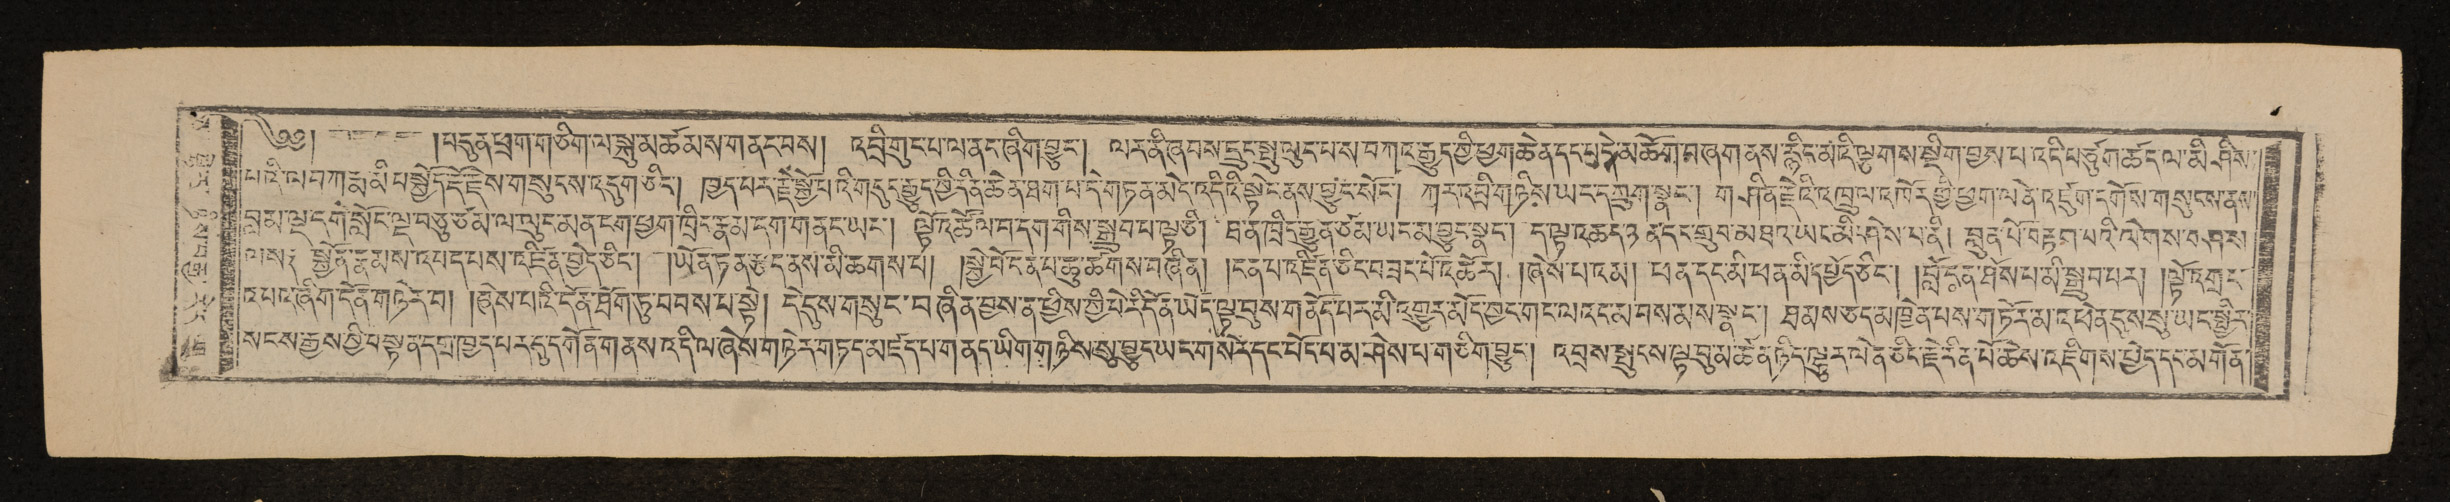༄༅། །བདུན་ཕྲག་གཅིག་ལ་སྐུ་མཚམས་གནང་བས། འདྲི་གུང་པ་ལ་ནང་ཞིག་བྱུང་། ལར་ནི་ཞབས་དྲུང་སྤུ་ལུང་བས་བཀའ་རྒྱུད་ཀྱི་ཕྱག་ཆེན་དང་བདེ་མཆོག་བཞག་ནས་རྙིང་མའི་ལྕགས་སྡིག་བྱས་པ་འདི་བཙུག་ཚད་ལ་མི་ཤིས་
པའི་ལབ་ཀརྨ་མི་བསྐྱོད་རྡོ་རྗེས་གསུངས་འདུག་ཅིང་། ཁྱད་པར་རྗེ་སྐྱོ་བའི་གདུང་རྒྱུད་ཀྱི་རིན་ཆེན་ཐག་པ་དེ་གཏན་མེད་འདིའི་སྟེང་ནས་བྱུང་སོང་། ཀར་འབྲི་གཉིས་ཡང་དཀྲུག་སྣང་། གཤིན་རྗེའི་འཁྲུལ་འཁོར་གྱི་ཕྱག་ལེན་འཛུག་དགོས་གསུངས་ནས་
བླ་མ་ལྔ་དགེ་སློང་ལྔ་བཅུ་ཙམ་ལ་ལུང་མན་ངག་ཕྱག་ཁྲིད་རྣམ་དག་གནང་ཡང་། ལྟོ་འཚོལ་བ་དག་གིས་སྒྲུབ་པ་ལྟ་ཅི། ཐ་ན་ཁྲིད་རྒྱུན་ཙམ་ཡང་མ་བྱུང་སྣང་། ད་ལྟ་འཆད་ཉན་དང་གྲུབ་མཐའ་ཡང་མི་ཤེས་པ་ནི། བླུན་པོ་བརྟག་པའི་ལེགས་བཤད་
ལས༑ སྐྱོན་རྣམས་འབད་པས་འཛིན་བྱེད་ཅིང་། །ཡོན་ཏན་རྩད་ནས་མི་ཆགས་པ། །སྐྱེ་བོ་ངན་པ་ཆུ་ཚགས་བཞིན། །ངན་པ་འཛིན་ཅིང་བཟང་པོ་འཆོར། །ཞེས་པའམ། ཕན་དང་མི་ཕན་མི་དཔྱོད་ཅིང་། །བློ་ངན་ཐོས་པ་མི་སྒྲུབ་པར། །ལྟོ་འགྲང་
འབའ་ཞིག་དོན་གཉེར་བ། །ཞེས་པའི་དོན་ཐོག་ཏུ་བབས་པ་སྟེ། དེ་དུས་གསུང་བཞིན་བྱས་ན་ཕྱིས་ཀྱི་བེ་རི་དོན་ཡོད་ལྟ་བུས་གནོད་པར་མི་འགྱུར་མོད་ཀྱང་གང་ལའང་མ་བསམས་སྣང་། ཐམས་ཅད་མཁྱེན་པས་གཏོར་མ་འཕེན་དུས་སུ་ཡང་སྤྱིར་
སངས་རྒྱས་ཀྱི་བསྟན་དགྲ་ཁྱད་པར་དུ་དགོན་གནས་འདི་ལ་ཞེས་གཉེར་གཏད་མཛད་པ་གནད་ཡིག་གཉིས་སུ་བྱུང་ཡང་གསེར་དང་བོད་པ་མ་ཤེས་པ་གཅིག་བྱུང་། འབྲས་སྤུངས་ལྟ་བུ་མཚན་ཉིད་ལྷུར་ལེན་ཅིང་རྗེ་རིན་པོ་ཆེས་འཇིགས་བྱེད་དང་མགོན་